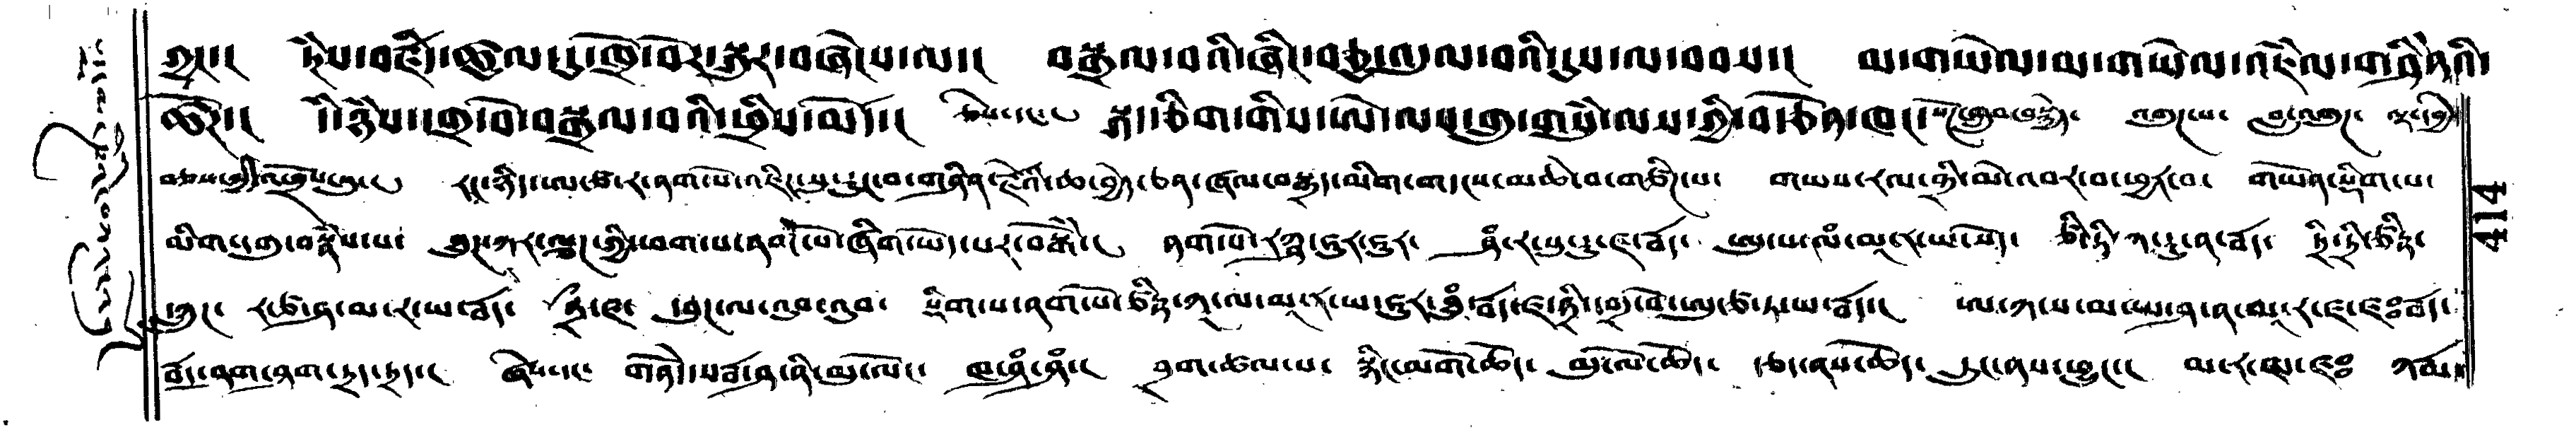ཀྱང་། །རྔམ་བརྗིད་ཚུལ་དུ་ཁྲོ་བོར་སྐུར་བཞེངས་ལ། །བསྒྲལ་བའི་ཞིང་བཅུ་འདུལ་བའི་དུས་ལ་བབས། །མ་གཡེལ་མ་གཡེལ་འཇམ་དཔལ་གཤིན་རྗེའི་
ཚོགས། །དམ་ཉམས་དགྲ་བོ་སྒྲོལ་བའི་ཕྲིན་ལས་མཛོད། ཅེས་དང་། སྐད་ཅིག་གིས་ཨེ་ལས་གྲུ་གསུམ་ལས་ཀྱི་བཙོན་ཁང་སོགས་བྲུབ་བསྐྱེད། འགུགས་པ། བླ་འགུགས། ལྷ་དབྱེ་
བཅས་ཀྱི་འཕྲོས་སུ། རང་ཉིད་ཨ་ཙ་ར་ནག་པོ་འཇིགས་སུ་རུང་བ་གཤིན་རྗེའི་ཆ་བྱད་ཅན་ཞལ་བསྒྲད་མིག་གདངས་མཆེ་བ་གཙིགས་པ། གཡས་རལ་གྲི་མེ་འབར་བ་འཕྱར་བ། གཡོན་སྡིག་པ་
མིག་དགུ་ཅན་བསྣམས་པ། ཐུགས་ཀར་ལྕགས་ཀྱི་ཕག་པ་ནག་པོ་ཞིག་ཡོད་པར་སྒོམས། ནག་པོ་རཀྵ་ཧུར་ཧུར། ཤཾ་ར་སུ་རུ་ཛ་རྦད། ཨུ་པ་ལཾ་མཱ་ར་ཡ་སོད། ཙི་ཏི་ཀ་རུ་ན་རྦད། ཏྲི་ཏྲི་ཙིཏྟ་
དཀྲུགས། ར་ཙ་ཤ་མ་ར་ཡ་རྦད། ནྲྀ་ཛ། དབུགས་ལ་འུབ་འུབ། སྡིག་པ་ནག་པོ་ཙིཏྟ་ཀཱ་ལ་མཱ་ར་ཡ་ཧུར་ཐུཾ་རྦད་ཛ་ནྲི་དགྲ་བོ་ཨུ་ཙ་ཏ་ཡ་རྦད། ཨ་ཀ་ས་མ་ཡ་ཤ་ན་མཱ་ར་ཛཿཛཿརྦད་
རྦད་ཤག་ཤག་ཏྲད་ཏྲད།ཞེས་དང་། གནོད་བྱེད་སརྦ་ཤ་ནི་མུ་ལོང་། ཁ་ཤཾ་ཤཾ། བྲག་ཚལ་པ། སྙིང་མགོ་ཆོད། མུ་ལོ་ཆོད། རྩད་ནས་ཆོད། དྲུང་ནས་ཕྱུངས། མ་ར་ཡ་ཛཿཀརྨ་